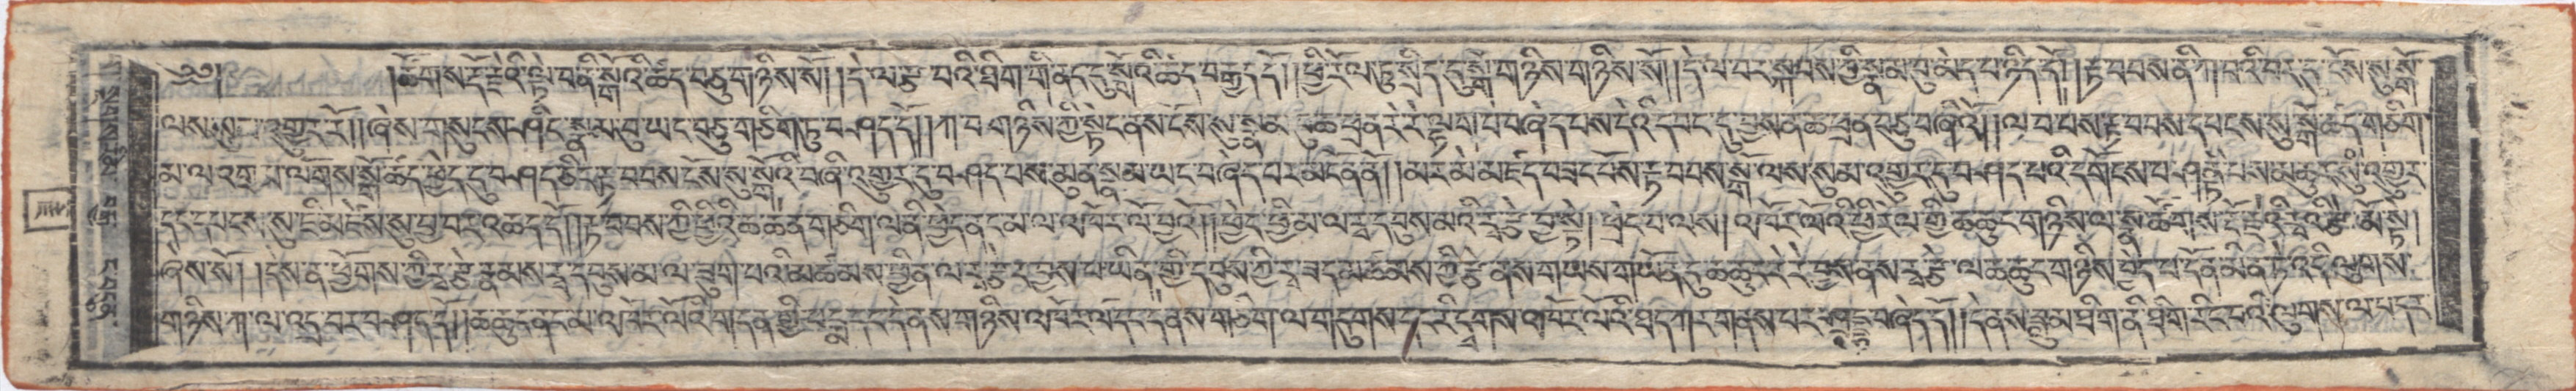༄༅། །ཚོགས་རྡོ་རྗེའི་ལྟེ་བ་ནི་སྒོའི་ཚད་བཅུ་གཉིས་སོ། །དེ་ལ་རྩ་བའི་ཐིག་གི་ནང་དུ་སྒོའི་ཚད་བརྒྱད་དོ། །ཕྱི་རོལ་ཏུ་སྲིད་དུ་སྒོ་གཉིས་གཉིས་སོ། །དེ་ལ་བར་སྐབས་ཀྱི་སྣམ་བུ་མེད་པ་ཉིད་དོ། །རྟ་བབས་ནི་ཀ་བའི་བར་དུ་ངོས་སུ་སྒོ་
ལས་སུམ་འགྱུར་རོ། །ཞེས་གསུངས་ཤིང་སྣམ་བུ་ཡང་བཅུ་གཅིག་ཏུ་བཤད་དོ། །ཀ་བ་གཉིས་ཀྱི་སྟེང་ནས་ངོས་སུ་སྣམ་བུ་ཆ་ཕྲན་རེ་རེ་ལྷག་པ་བཞེད་པས་དེའི་དབང་དུ་བྱས་ན་ཆ་ཕྲན་བཅུ་བཞིའོ། །ལྭ་བ་པས་རྟ་བབས་དཔངས་སུ་སྒོ་ཚད་གཅིག་
མ་ལ་འགྲམ་ལོགས་སྒོ་ཚད་ཕྱེད་དུ་བཤད་ཅིང་རྟ་བབས་ངོས་སུ་སྒོའི་བཞི་འགྱུར་དུ་བཤད་པས་མུན་སྣམ་ཡང་བཞེད་པར་མངོན་ནོ། །མར་མེ་མཛད་བཟང་པོས་རྟ་བབས་སྒོ་ལས་སུམ་འགྱུར་དུ་བཤད་པའི་དགོངས་པ་ཤན་ཏི་པས་མཆུར་སུཾ་འགྱུར་
དང་དཔངས་སུ་ཇི་མཛེས་སུ་བྱ་བར་འཆད་དོ། །རྟ་བབས་ཀྱི་ཕྱིའི་ཆ་ཆེན་གཅིག་ལ་ནི་ཕྱེད་ནང་མ་ལ་འཁོར་ལོ་བྱའོ། །ཕྱེད་ཕྱི་མ་ལ་རྭ་དབུས་མའི་རྭ་རྩེ་བྱ་སྟེ། ཕྲེང་བ་ལས། འཁོར་ལོའི་ཕྱི་རོལ་གྱི་ཆ་ཆུང་གཉིས་ལ་སྣ་ཚོགས་རྡོ་རྗེའི་རྭའི་རྩེ་མོ་སྟེ།
ཞེས་སོ། །དེས་ན་ཕྱོགས་ཀྱི་རྭ་རྩེ་རྣམས་རྭ་དབུས་མ་ལ་ཟུག་པའི་མཚམས་ཕྱིན་ལ་རྭ་རྩེར་བྱས་པ་ཡིན་གྱི་དབུས་ཀྱི་རྭ་ཟད་མཚམས་ཀྱི་རྩེ་ནས་གཡས་གཡོན་དུ་ཆ་ཆུང་རེ་རེ་བྱས་ནས་རྭ་རྩེ་ལ་ཆ་ཆུང་གཉིས་བྱེད་པ་དོན་མིན་ཏེ་འདི་ལུགས་
གཉིས་ཀ་ལ་འདྲ་བར་བཤད་དོ། །ཆ་ཆུང་ནང་མ་འཁོར་ལོའི་གདན་གྱི་པདམ་དང་དེ་ནས་གཉིས་འཁོར་ལོ་དང་དེ་ནས་གཅིག་ལ་གདུགས་དང་རི་དྭགས་འཁོར་ལོའི་ཐད་ཀར་གནས་པར་ཤྲཱདྡྷ་བཞེད་དོ། །དེ་ནས་ཟླུམ་ཐིག་ནི་ཐིག་རིང་བའི་ལུགས་ལ་པ་དར་?